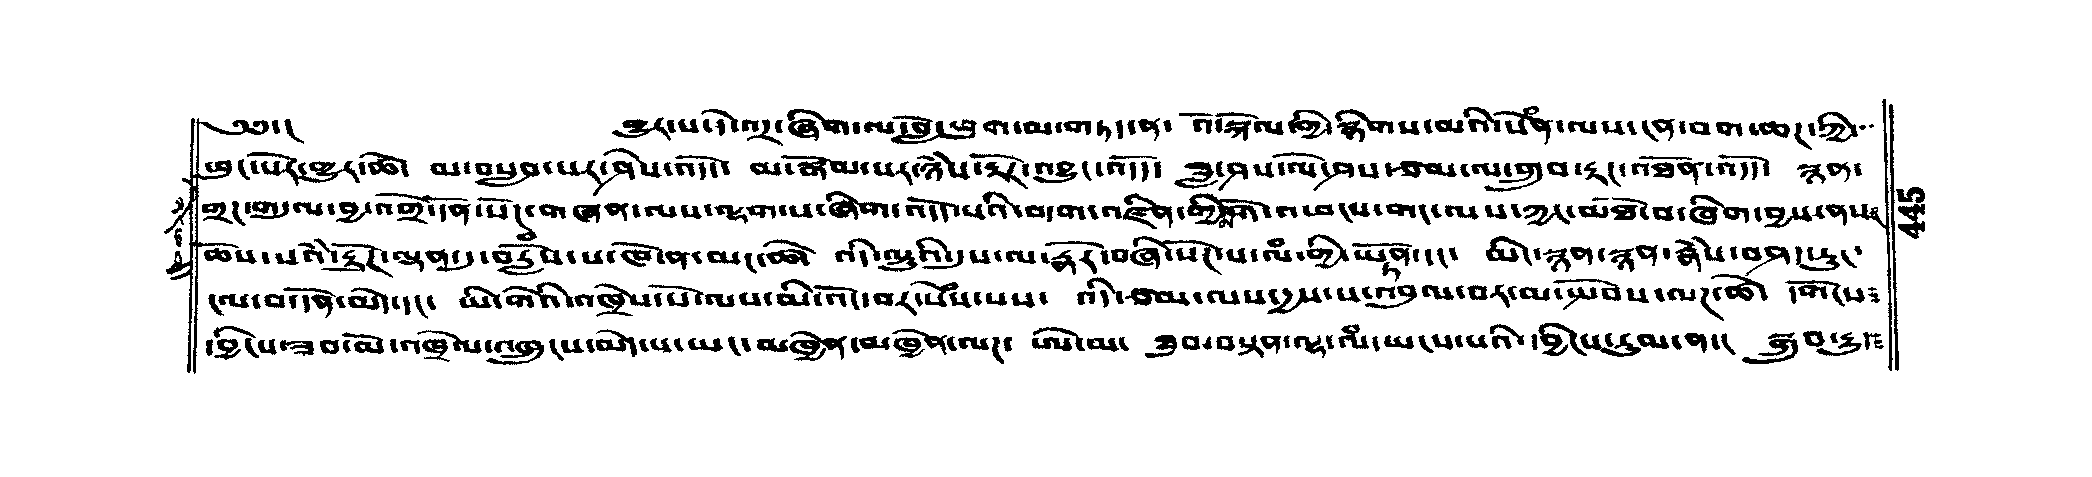གྱུར་པ་དེ་འདྲ་ཞིག་ལ་བློ་ཕུག་མ་གཏད་ན། འོ་སྐོལ་གྱི་སྙིགས་མའི་སེམས་ཅན་ལས་ངན་བག་ཆགས་ཀྱི་
ཕུང་པོར་གྱུར་ཚེ། མ་བསླབ་པར་ཤེས་འདོད། མ་སྒོམ་པར་ཉམས་རྟོགས་འབྱུང་འདོད། ཟླ་ཤས་ལོ་ཤས་ཙམ་ལ་་གྲུབ་རྟགསའཐོན་འདོད། སྙན་
གྲགས་གདུལ་བྱ་འགྲོ་དོན་སོགས་གཞན་ལས་ལྷག་པ་ཞིག་འདོད་པའི་བདག་འཛིན་གྱི་གོ་འཕང་གང་ལས་ཀྱང་མཐོ་བ་ཞིག་བྱས་ནས། 
ཆོས་པའམ་རྟོགས་ལྡན་དུ་རློམ་པ་ཁོ་ན་མང་ཚེ། འདི་ལྟ་བུའི་དུས་ལ་རྣལ་འབྱོར་བཞི་སོགས་ལ་ལམ་གྱི་ཡོན་ཏན་དང་། མིང་སྙན་སྙན་རྣམས་བཤས་རུང་
ངལ་བ་དོན་མེད་དང་། ཡི་གེའི་འཁྲེས་སོ་ལས་མི་འོང་བར་སེམས་པས། འདི་ཙམ་ལས་རྒྱས་པ་འབུལ་བར་མ་སྤོབས་ལགས་ཚེ། དགོངས་
དབྱིངས་ཟབ་མོ་འཁྲེལ་འཁྲུངས་མེད་པ་ཡང་མཁྱེན་མཁྱེན་ལགས། ཨེ་མ། ཐུབ་བསྟན་ལྷ་ལམ་ཡངས་པའི་དབྱིངས་རུམ་ན། །སྒྲུབ་རྒྱུད་